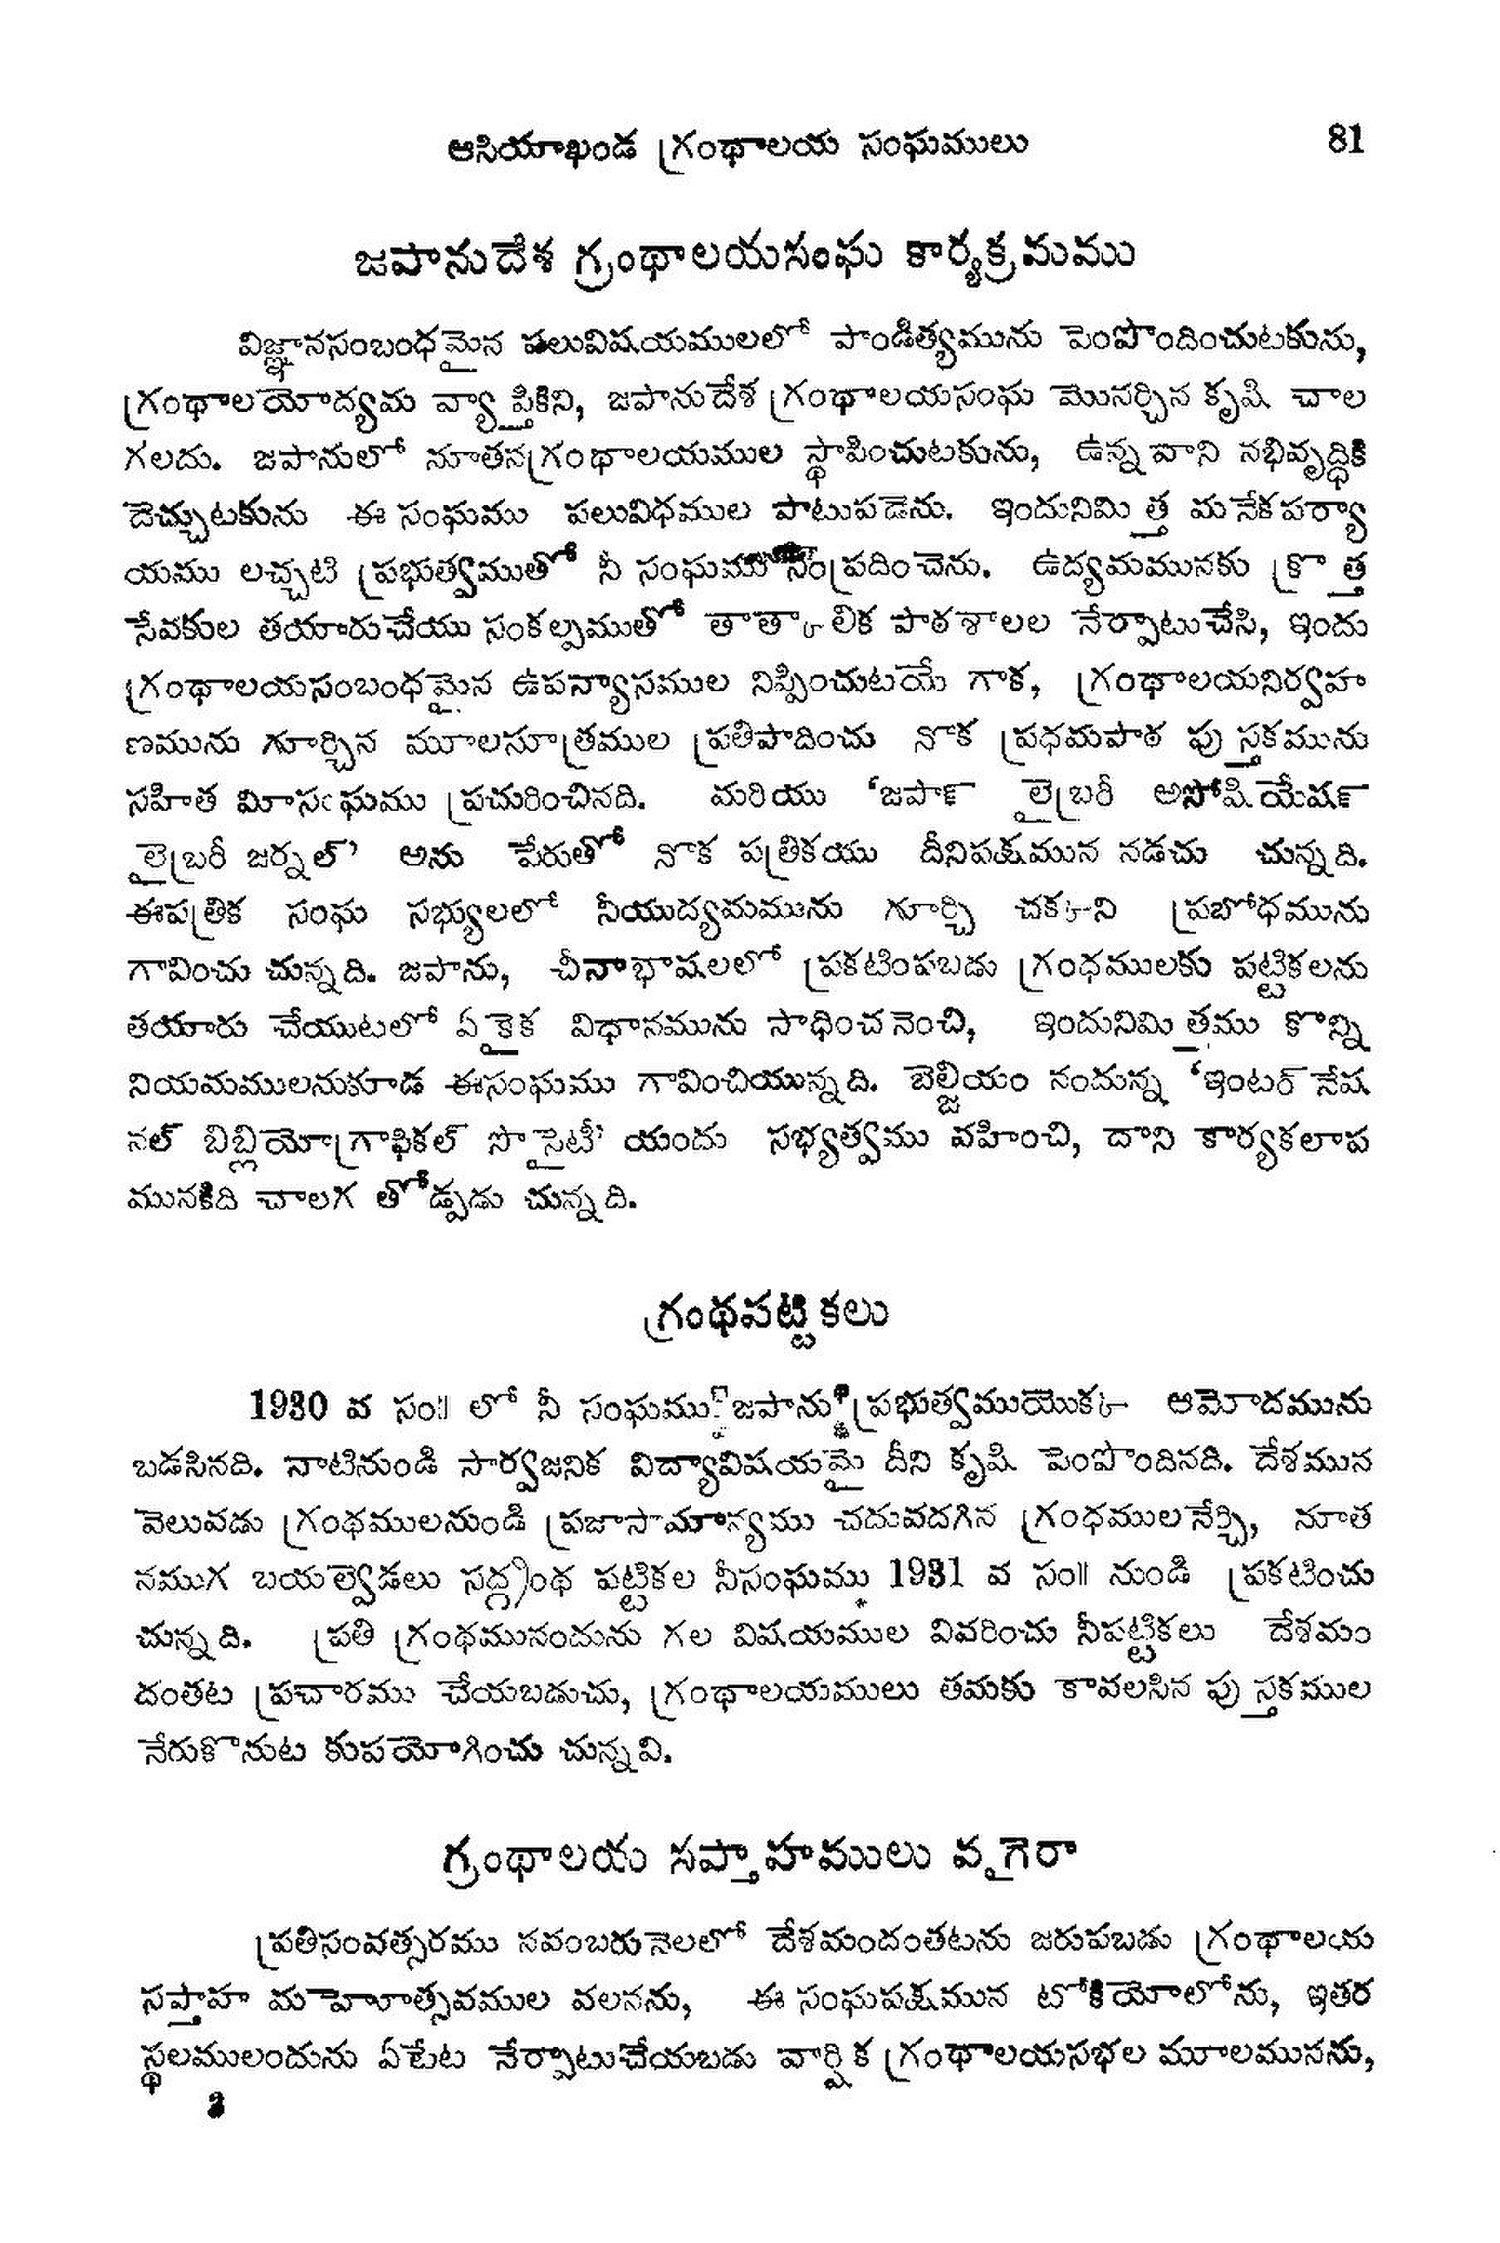విజ్ఞానసంబంధమైన పలువిషయములలో పాండిత్యమును పెంపొందించుటకును, గ్రంథాలయోద్యమ వ్యాప్తికిని, జపానుదేశ గ్రంథాలయసంఘ మొనర్చిన కృషి చాలగలదు. జపానులో నూతన గ్రంథాలయముల స్థాపించుటకును, ఉన్నదాని నభివృద్ధికి
దెచ్చుటకును ఈ సంఘము పలువిధములు పాటుపడెను. ఇందునిమిత్త మనేక పర్యాయము లచ్చటి ప్రభుత్వముతో నీ సంఘము సంప్రదించెను. ఉద్యమమునకు క్రొత్త సేవకుల తయారుచేయు సంకల్పముతో తాత్కాలిక పాఠశాలల నేర్పాటు చేసి, ఇందు
గ్రంథాలయసంబంధమైన ఉపన్యాసముల నిప్పించుటయే గాక, గ్రంథాలయనిర్వహణమును గూర్చిన మూలసూత్రములు 
ప్రతిపాదించు నొక ప్రధమపాఠ పుస్తకమును సహిత మీసంఘము ప్రచురించినది. మరియు 'జపా౯ లైబ్రరీ అసోషియేష౯
లైబ్రరీ జర్నల్' అను పేరుతో నొక పత్రికయు దీనిపక్షమున నడచుచున్నది. ఈపత్రిక సంఘ సభ్యులలో నీయుద్యమమును 
గూర్చి చక్కని ప్రబోధమును గావించు చున్నది. జపాను, చీనాభాషలలో ప్రకటింపబడు గ్రంధములకు పట్టికలను తయారు 
చేయుటలో ఏకైక విధానమును సాధించనెంచి, ఇందునిమిత్తము కొన్ని నియమములనుకూడ ఈసంఘము గావించియున్నది. 
బెల్జియం నందున్న 'ఇంటర్ నేషనల్ బిబ్లియోగ్రాఫికల్ సొసైటీ' యందు సభ్యత్వము వహించి, దాని కార్యకలాపమునకిది 
చాలగ తోడ్పడు చున్నది.

1930వ సం౹౹ లోనీ సంఘము. జపాను ప్రభుత్వము యొక్క ఆమోదమును బడసినది, నాటినుండి సార్వజనిక విద్యావిషయమై 
దీని కృషి పెంపొందినది. దేశమున వెలువడు గ్రంథములనుండి ప్రజాసామాన్యము చదువదగిన గ్రంధముల నేర్చి, నూతనముగ బయల్వెడలు సద్గ్రంథ పట్టికల నీసంఘము 1981 వ సం॥ నుండి ప్రకటించు చున్నది. ప్రతి గ్రంథమునందును గల విషయముల వివరించు నీపట్టికలు దేశమందంతట ప్రచారము చేయబడుచు, గ్రంథాలయములు తమకు కావలసిన పుస్తకముల నేరుకొనుట కుపయోగించు చున్నవి.

ప్రతిసంవత్సరము నవంబరు నెలలో దేశమందంతటను జరుపబడు గ్రంథాలయ సప్తాహ మహెూత్సవముల వలనను, ఈ 
సంఘపక్షమున టోకియోలోను, ఇతర స్థలములందును ఏటేట నేర్పాటుచేయబడు వార్షిక గ్రంథాలయసభల మూలమునను,